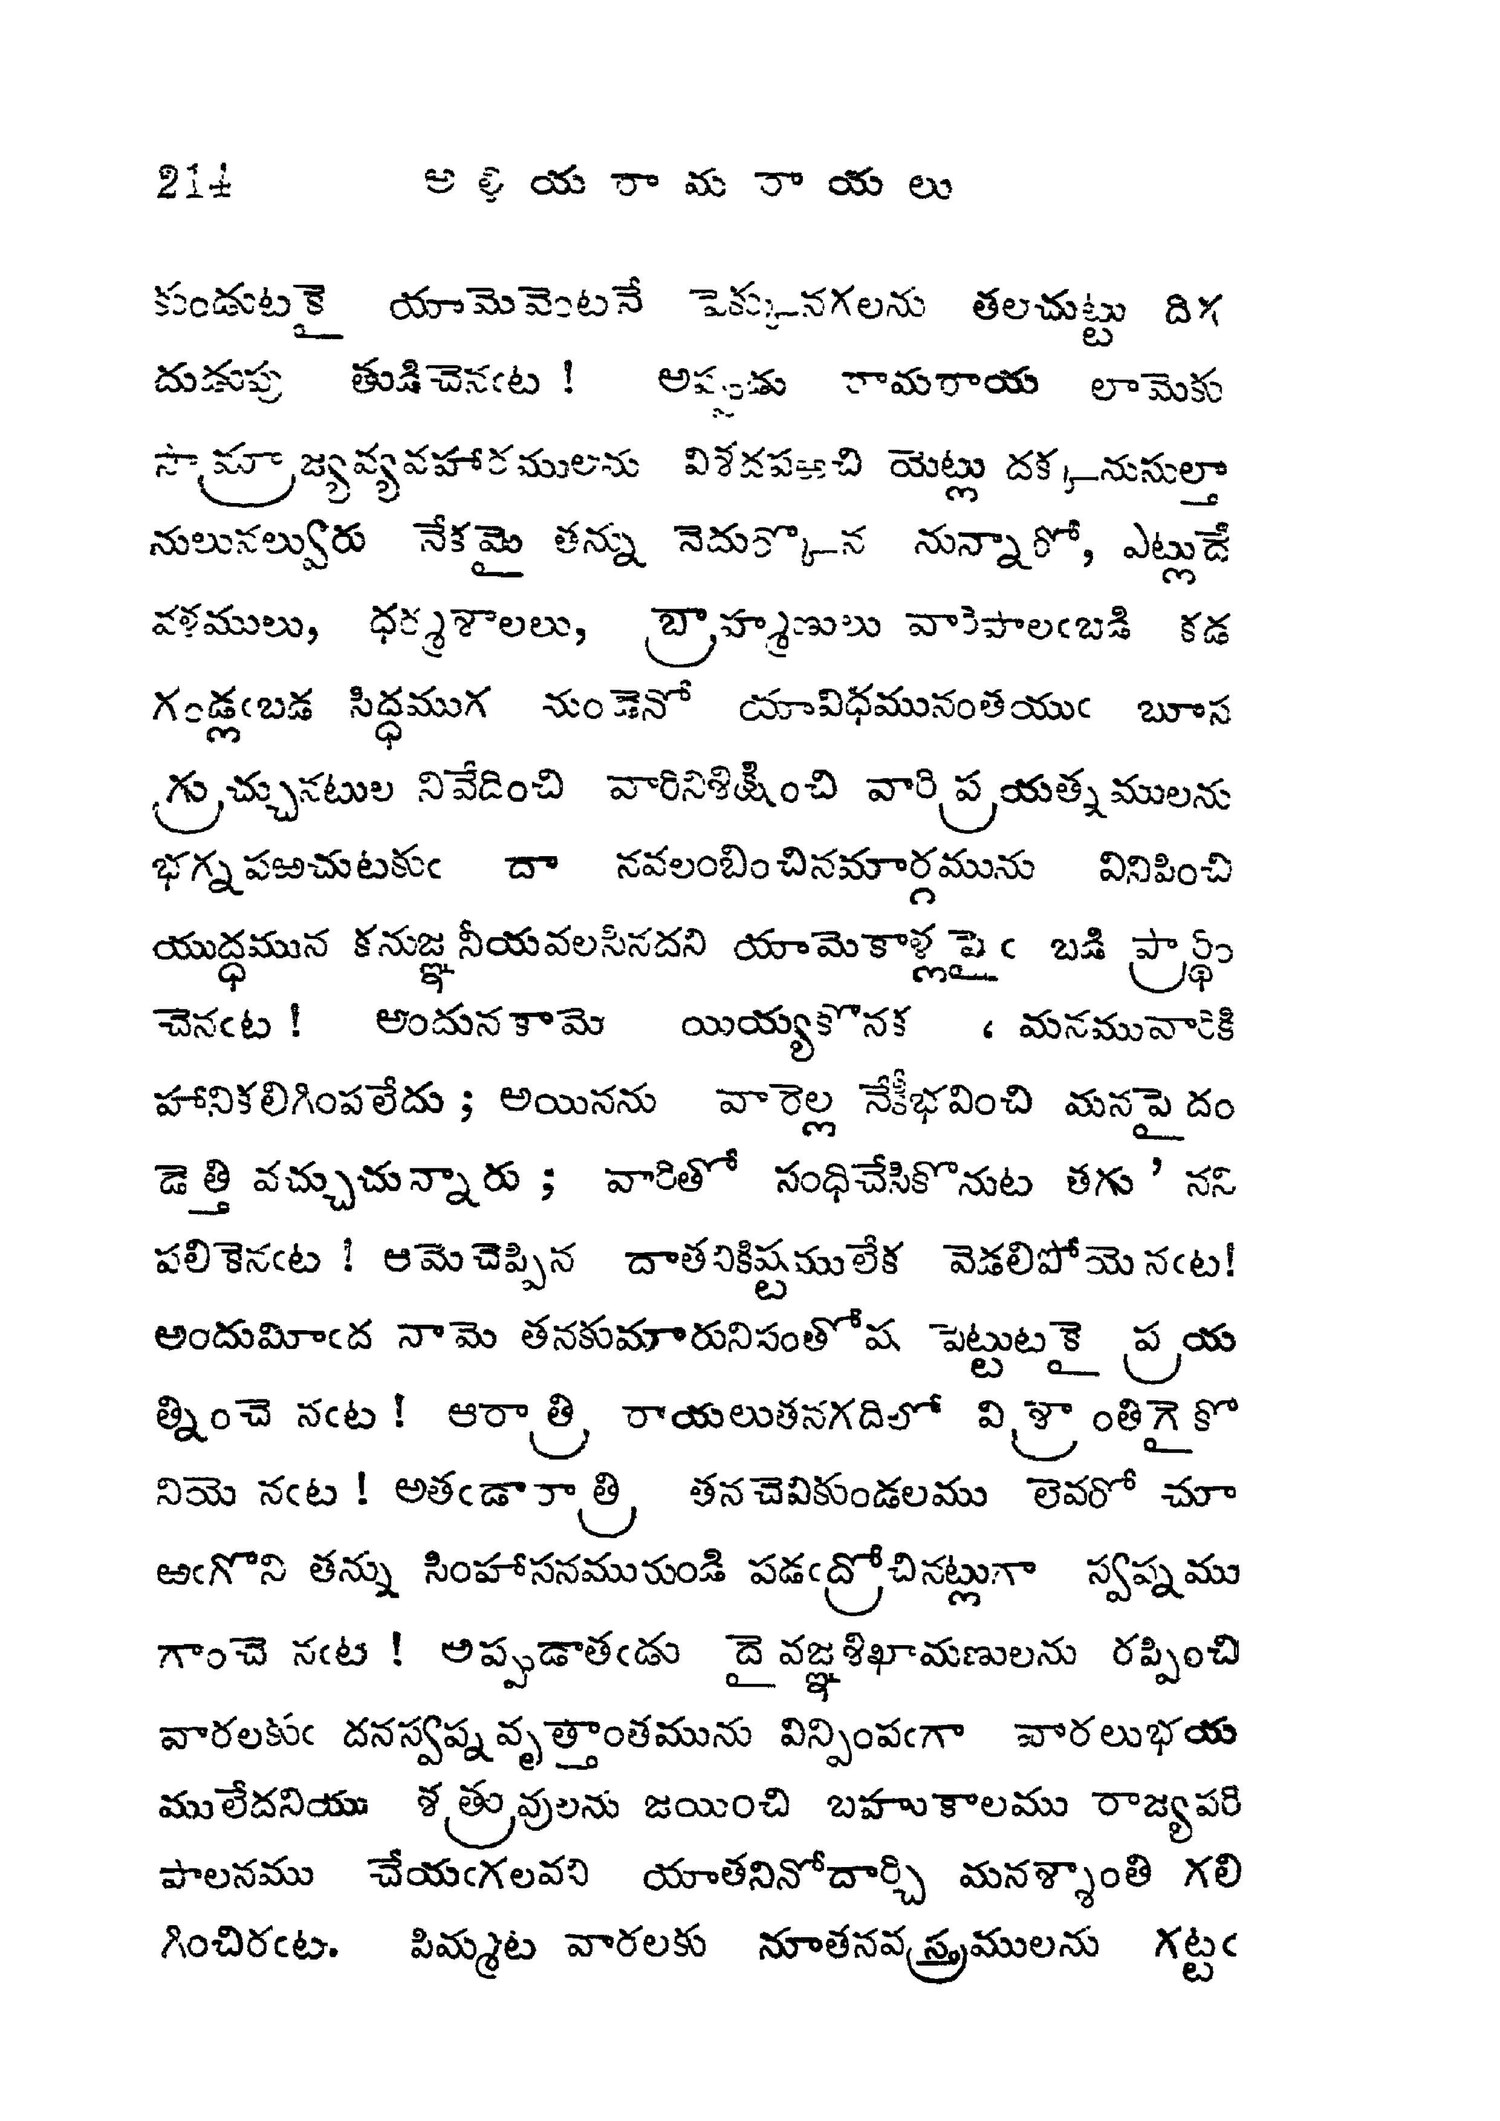కుండుటకై యామెవెంటనే పెక్కునగలను తలచుట్టు దిగదుడుపు తుడిచెనట ! అప్పుడు రామరాయ లామెకు సామ్రాజ్యవ్యవహారములను విశదపఱచి యెట్లు దక్కనుసుల్తానులునల్వురు నేకమై తన్ను నెదుర్కొన నున్నారో, ఎట్లుదేవళములు, ధర్మశాలలు, బ్రాహ్మణులు వారిపాలబడి కడగండ్లబడ సిద్ధముగ నుండెనో యావిధమునంతయు బూసగ్రుచ్చునటుల నివేదించి వారినిశిక్షించి వారిప్రయత్నములను భగ్నపఱచుటకు దా నవలంబించినమార్గమును వినిపించి యుద్ధమున కనుజ్ఞ నీయవలసినదని యామెకాళ్లపై బడి ప్రార్థించెనట ! అందునకామె యియ్యకొనక 'మనమువారికి హానికలిగింపలేదు; అయినను వారెల్ల నేకీభవించి మనపైదండెత్తి వచ్చుచున్నారు; వారితో సంధిచేసికొనుట తగు' నని పలికెనట ! ఆమెచెప్పిన దాతనికిష్టములేక వెడలిపోయెనట ! అందుమీద నామె తనకుమారునిసంతోష పెట్టుటకై ప్రయత్నించె నట ! ఆరాత్రి రాయలుతనగదిలో విశ్రాంతిగైకొనియె నట ! అతడారాత్రి తనచెవికుండలము లెవరో చూఱగొని తన్ను సింహాసనమునుండి పడద్రోచినట్లుగా స్వప్నము గాంచె నట ! అప్పుడాతడు దైవజ్ఞశిఖామణులను రప్పించి వారలకు దనస్వప్న వృత్తాంతమును విన్పింపగా వారలుభయములేదనియు శత్రువులను జయించి బహుకాలము రాజ్యపరిపాలనము చేయగలవని యాతనినోదార్చి మనశ్శాంతి గలిగించిరట. పిమ్మట వారలకు నూతనవస్త్రములను గట్ట